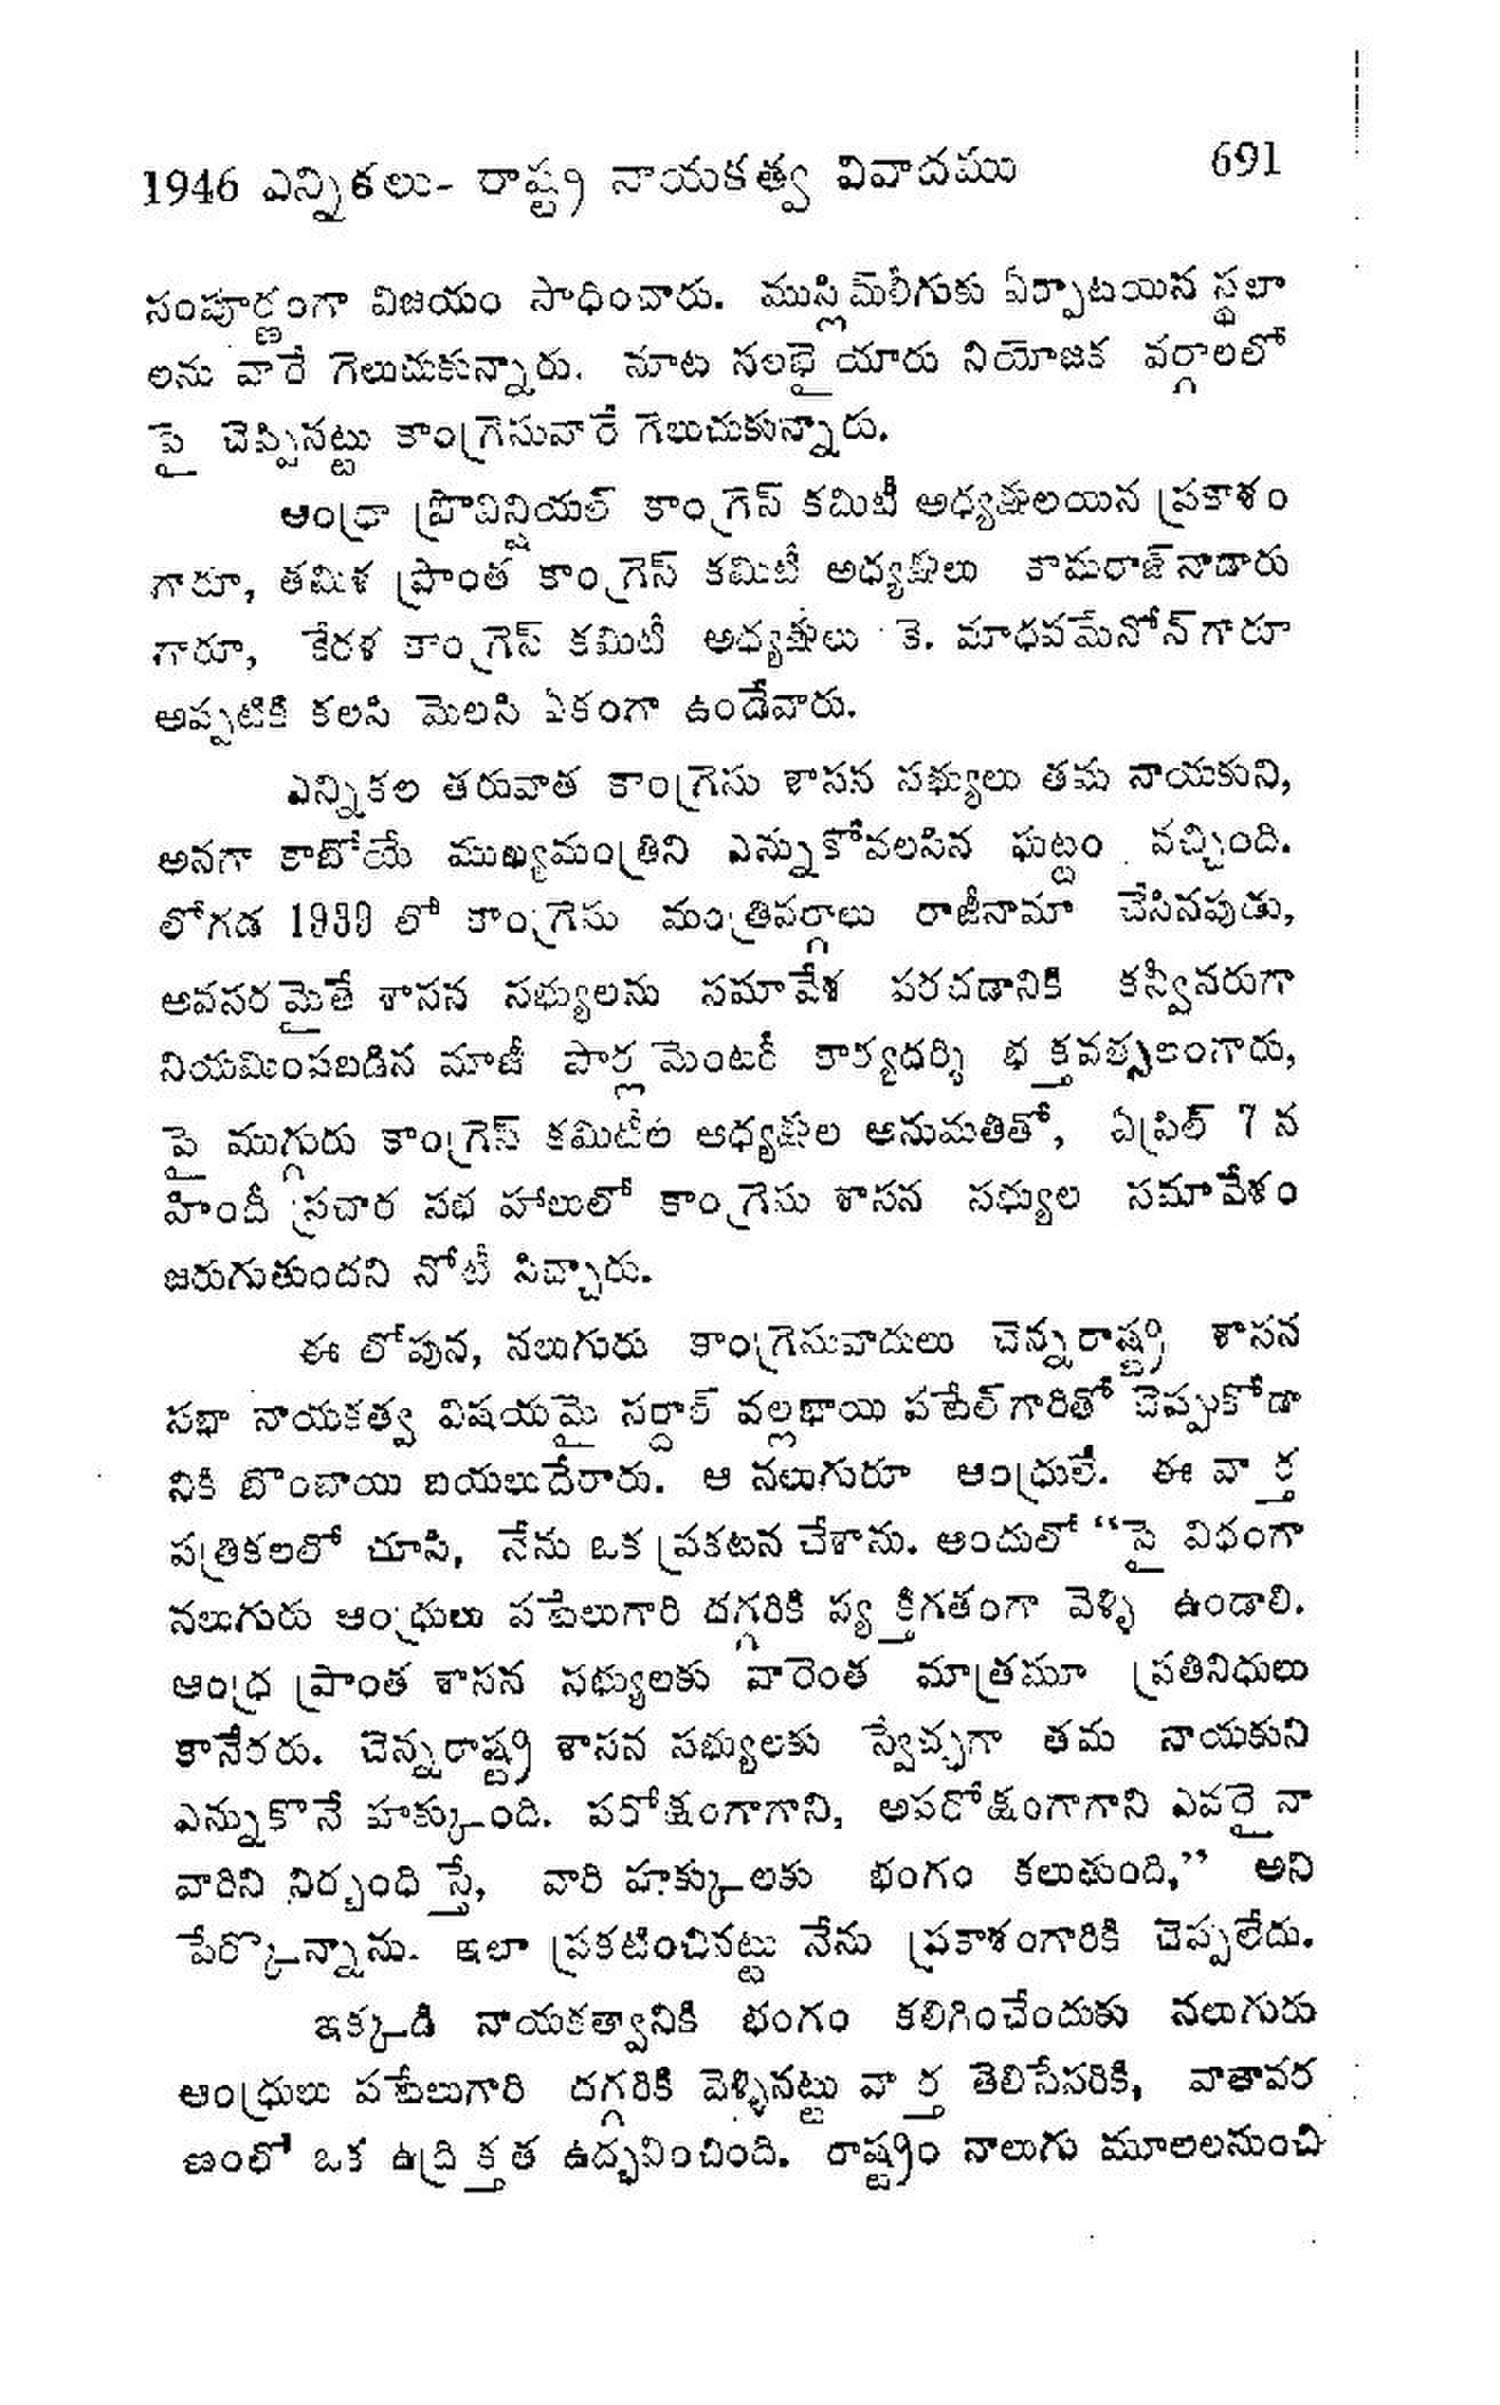సంపూర్ణంగా విజయం సాధించారు. ముస్లిమ్‌లీగుకు ఏర్పాటయిన స్ఠలాలను వారే గెలుచుకున్నారు. నూట నలభైయారు నియోజక వర్గాలలో పై చెప్పినట్టు కాంగ్రెసువారే గెలుచుకున్నారు.

ఆంధ్రా ప్రొవిన్షియల్ కాంగ్రెస్ కమిటీ అధ్యక్షులయిన ప్రకాశంగారూ, తమిళ ప్రాంత కాంగ్రెస్ కమిటీ అధ్యక్షులు కామరాజ్‌నాడారు గారూ, కేరళ కాంగ్రెస్ కమిటీ అధ్యక్షులు కె, మాధవమేనోన్‌గారూ అప్పటికి కలసి మెలసి ఏకంగా ఉండేవారు.

ఎన్నికల తరువాత కాంగ్రెసు శాసన సభ్యులు తమ నాయకుని, అనగా కాబోయే ముఖ్యమంత్రిని ఎన్నుకోవలసిన ఘట్టం వచ్చింది. లోగడ 1939 లో కాంగ్రెసు మంత్రివర్గాలు రాజీనామా చేసినపుడు, అవసరమైతే శాసన సభ్యులను సమావేశ పరచడానికి కన్వీనరుగా నియమింపబడిన మాజీ పార్లమెంటరీ కార్యదర్శి భక్తవత్సలం గారు, పై ముగ్గురు కాంగ్రెస్ కమిటీల అధ్యక్షుల అనుమతితో, ఏప్రిల్ 7 న హిందీ ప్రచార సభ హాలులో కాంగ్రెసు శాసన సభ్యుల సమావేశం జరుగుతుందని నోటీ సిచ్చారు.

ఈ లోపున, నలుగురు కాంగ్రెసువాదులు చెన్నరాష్ట్ర శాసన సభా నాయకత్వ విషయమై సర్దార్ వల్లభాయి పటేల్‌గారితో చెప్పుకోడానికి బొంబాయి బయలుదేరారు. ఆ నలుగురూ ఆంధ్రులే. ఈ వార్త పత్రికలలో చూసి, నేను ఒక ప్రకటన చేశాను. అందులో "పై విధంగా నలుగురు ఆంధ్రులు పటేలుగారి దగ్గరికి వ్యక్తిగతంగా వెళ్ళి ఉండాలి. ఆంధ్ర ప్రాంత శాసన సభ్యులకు వారెంత మాత్రమూ ప్రతినిధులు కానేరరు. చెన్నరాష్ట్ర శాసన సభ్యులకు స్వేచ్చగా తమ నాయకుని ఎన్నుకొనే హక్కుంది. పరోక్షంగాగాని, అపరోక్షంగాగాని ఎవరైనా వారిని నిర్బంధిస్తే, వారి హక్కులకు భంగం కలుగుతుంది," అని పేర్కొన్నాను. ఇలా ప్రకటించినట్టు నేను ప్రకాశంగారికి చెప్పలేదు.

ఇక్కడి నాయకత్వానికి భంగం కలిగించేందుకు నలుగురు ఆంధ్రులు పటేలుగారి దగ్గరికి వెళ్ళినట్టు వార్త తెలిసేసరికి, వాతావరణంలో ఒక ఉద్రిక్తత ఉద్భవించింది. రాష్ట్రం నాలుగు మూలలనుంచి